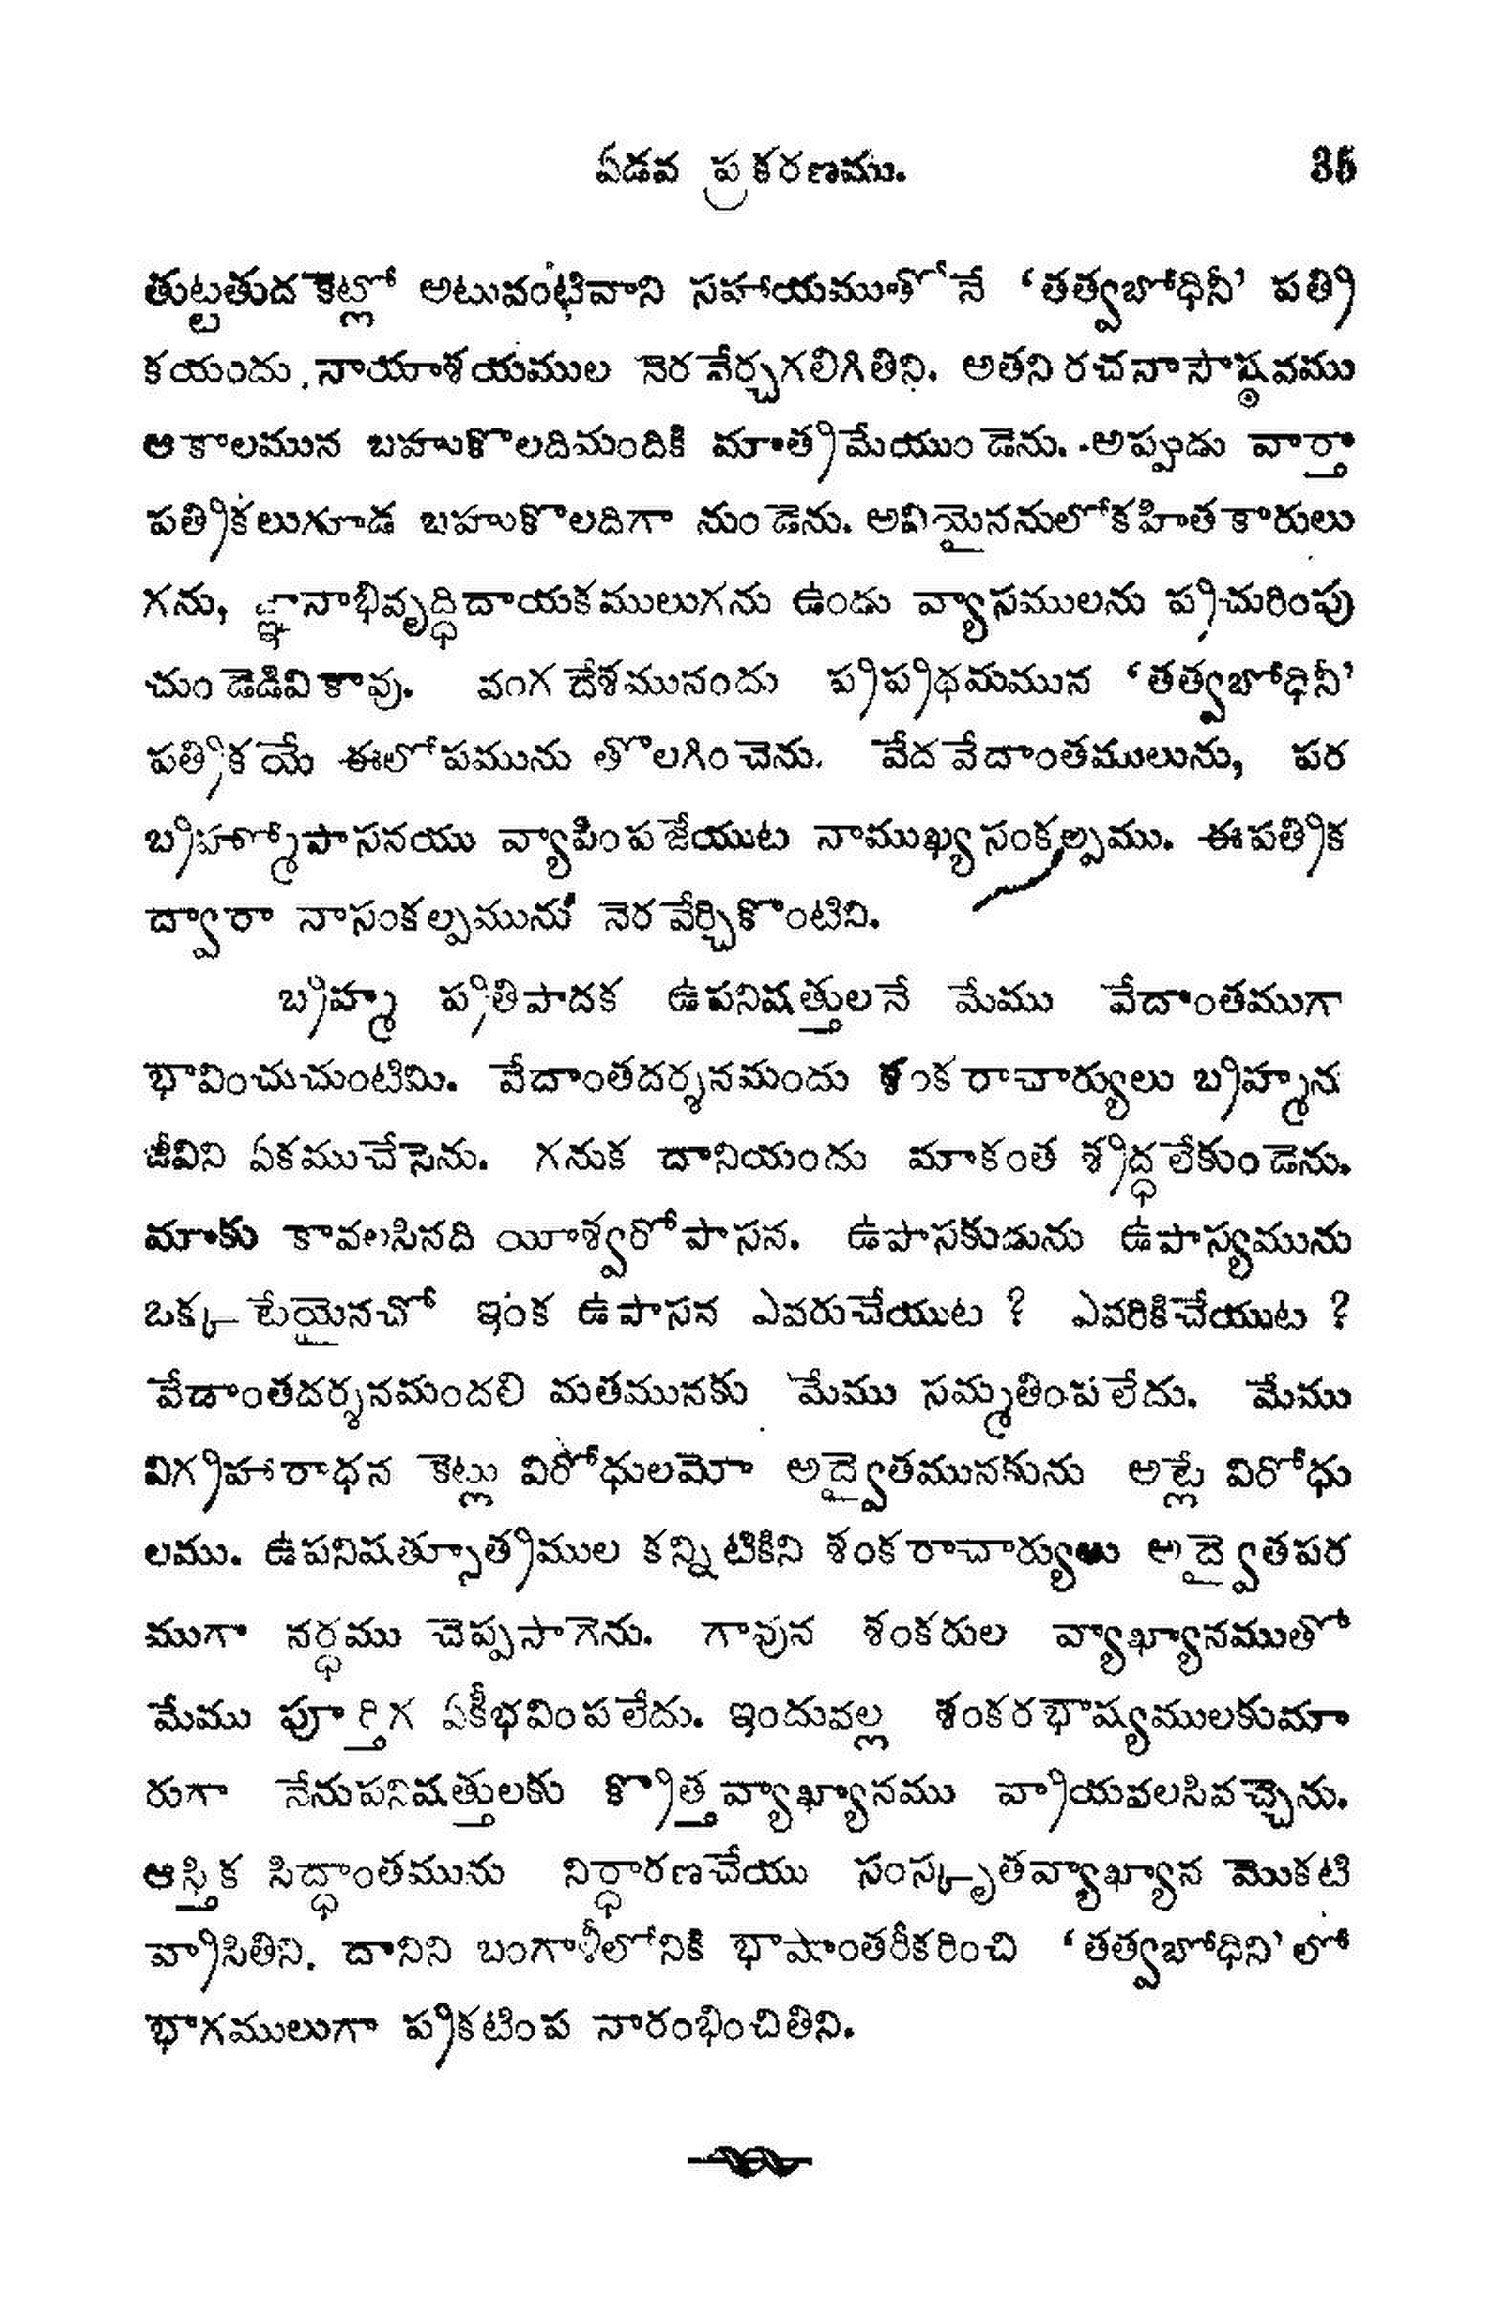తుట్టతుద కెట్లో అటువంటి వాని సహాయము తోనే 'తత్వబోధినీ' పత్రిక యందు , నాయాశయముల నెర వేర్చగలిగితిని. అతని రచనా సౌష్టవముఆ కాలమున బహుకొలది మందికి మాత్రమేయుండెను. అప్పుడు వార్తాపత్రికలు గూడ బహుకొలదిగా నుండెను. అవీయైనను లోకహిత కారులుగను, జ్ఞానాభివృద్ధి దాయకములుగను ఉండు వ్యాసములను ప్రచుగింపు చుండెడివి కావు. వంగ దేశమునందు ప్రపథమమున “తత్వబోధినీ పత్రికయే ఈలోపమును తొలగించెను. "వేద వేదాంతములును, పరబ్రహ్మోపాసనయు వ్యాపింప జేయుట నాముఖ్య సంకల్పము. ఈపత్రిక ద్వారా నాసంకల్పమును నెరవేర్చికొంటిని.బ్రహ్మ ప్రతిపాదక ఉపనిషత్తులనే మేము వేదాంతముగా భావించుచుంటిమి.వేదాంతదర్శనమందు శంకరాచార్యులు బ్రహ్మన జీవిని ఏకము చేసెను. గనుక దానియందు మాకంత శ్రద్ధ లేకుండెను. యీశ్వరోపాసన, ఉపాసకుడును ఉపాస్యమునుఒక్కటే యైనచో ఇంక ఉపాసన ఎవరు చేయుట ? ఎవరికి చేయుట ?వేదాంతదర్శనమందలి మతమునకు 'మేము సమ్మతింప లేదు. మేము విగ్రహారాధన కెట్లు విరోధులమో అద్వైతమునకును అట్లే విరోధులము. ఉపనిషత్సూతముల కన్నిటికిని శంకరాచార్యులు అద్వైతపరముగా నర్ధము చెప్పసాగెను. గావున శంకరుల వ్యాఖ్యానముతో మేము పూర్తిగా ఏకీభవింప లేదు. ఇందువల్ల శంకరభాష్యములకుమారుగా నేను పనిషత్తులకు కొత్త వ్యాఖ్యానములను వ్రాయ వలసి వచ్చెను. ఆస్తిక సిద్ధాంతమును నిర్ధారణ చేయు సంస్కృత వ్యాఖ్యాన మొకటి
వ్రాసితిని. దానిని బంగాళీలోనికి భాషాంతరీకరించి ' తత్వబోధిని'లో భాగములుగా ప్రకటింప నారంభించితిని. మాకు కావలసినది